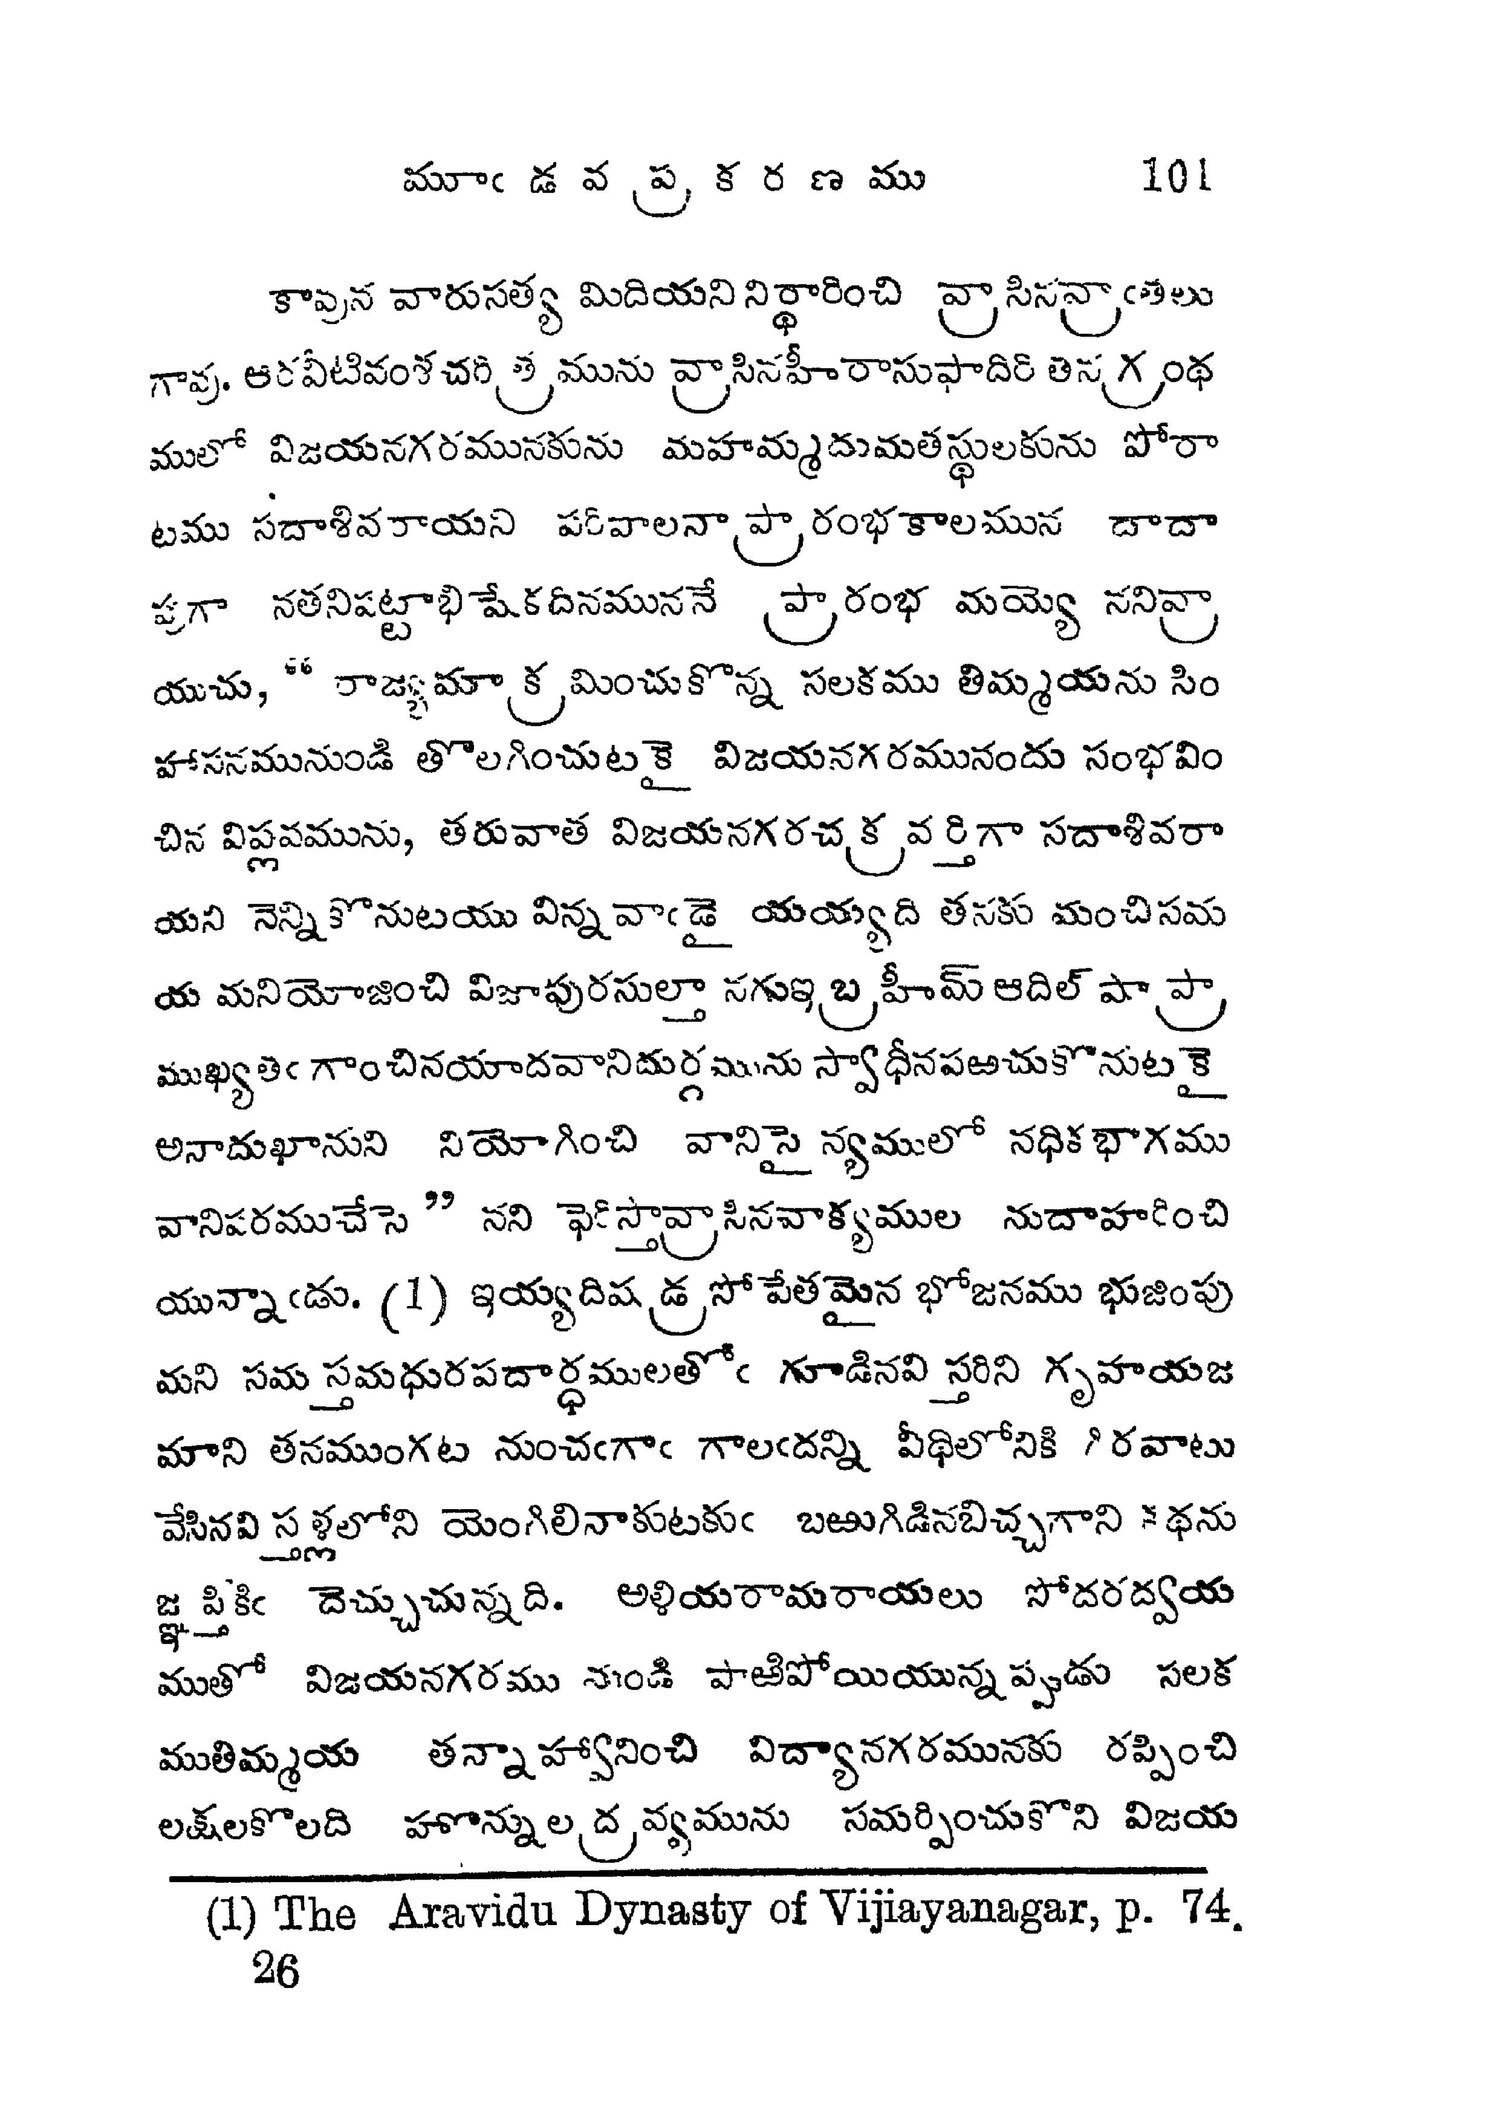కావున వారుసత్య మిదియని నిర్థారించి వ్రాసినవ్రాతలు గావు. ఆరవీటివంశచరిత్రమును వ్రాసిన హీరాసుఫాదిరి తనగ్రంథములో విజయనగరమునకును మహమ్మదుమతస్థులకును పోరాటము సదాశివరాయని పరిపాలనాప్రారంభకాలమున దాదాపుగా నతనిపట్టాభిషేకదినముననే ప్రారంభ మయ్యె ననివ్రాయుచు, "రాజ్యమాక్రమించుకొన్న సలకము తిమ్మయను సింహాసనమునుండి తొలగించుటకై విజయనగరమునందు సంభవించిన విప్లవమును, తరువాత విజయనగరచక్రవర్తిగా సదాశివరాయని నెన్నుకొనుటయు విన్నవాడై యయ్యది తనకు మంచిసమయ మనియోజించి విజాపురసుల్తానగు ఇబ్రహీమ్‌ఆదిల్‌షా ప్రాముఖ్యత గాంచినయాదవానిదుర్గమును స్వాధీనపఱచుకొనుటకై అసాదుఖానుని నియోగించి వానిసైన్యములో నధికభాగము వానిపరముచేసె" నని ఫెరిస్తా వ్రాసినవాక్యముల నుదాహరించి యున్నాడు. ఇయ్యది షడ్రసోపేతమైన భోజనము భుజింపుమని సమస్తమధుర పదార్థములతో గూడినవిస్తరిని గృహయజమాని తనముంగట నుంచగా గాలదన్ని వీథిలోనికి గిరవాటు వేసినవిస్తళ్లలోని యెంగిలినాకుటకు బఱుగిడినబిచ్చగాని కథను జ్ఞప్తికి దెచ్చుచున్నది. అళియరామరాయలు సోదరద్వయముతో విజయనగరము నుండి పాఱిపోయియున్నప్పుడు సలకముతిమ్మయ తన్నాహ్వానించి విద్యానగరమునకు రప్పించి లక్షలకొలది హొన్నులద్రవ్యమును సమర్పించుకొని విజయ

(1) The Aravidu Dynasty of Vijayanagar. p.74